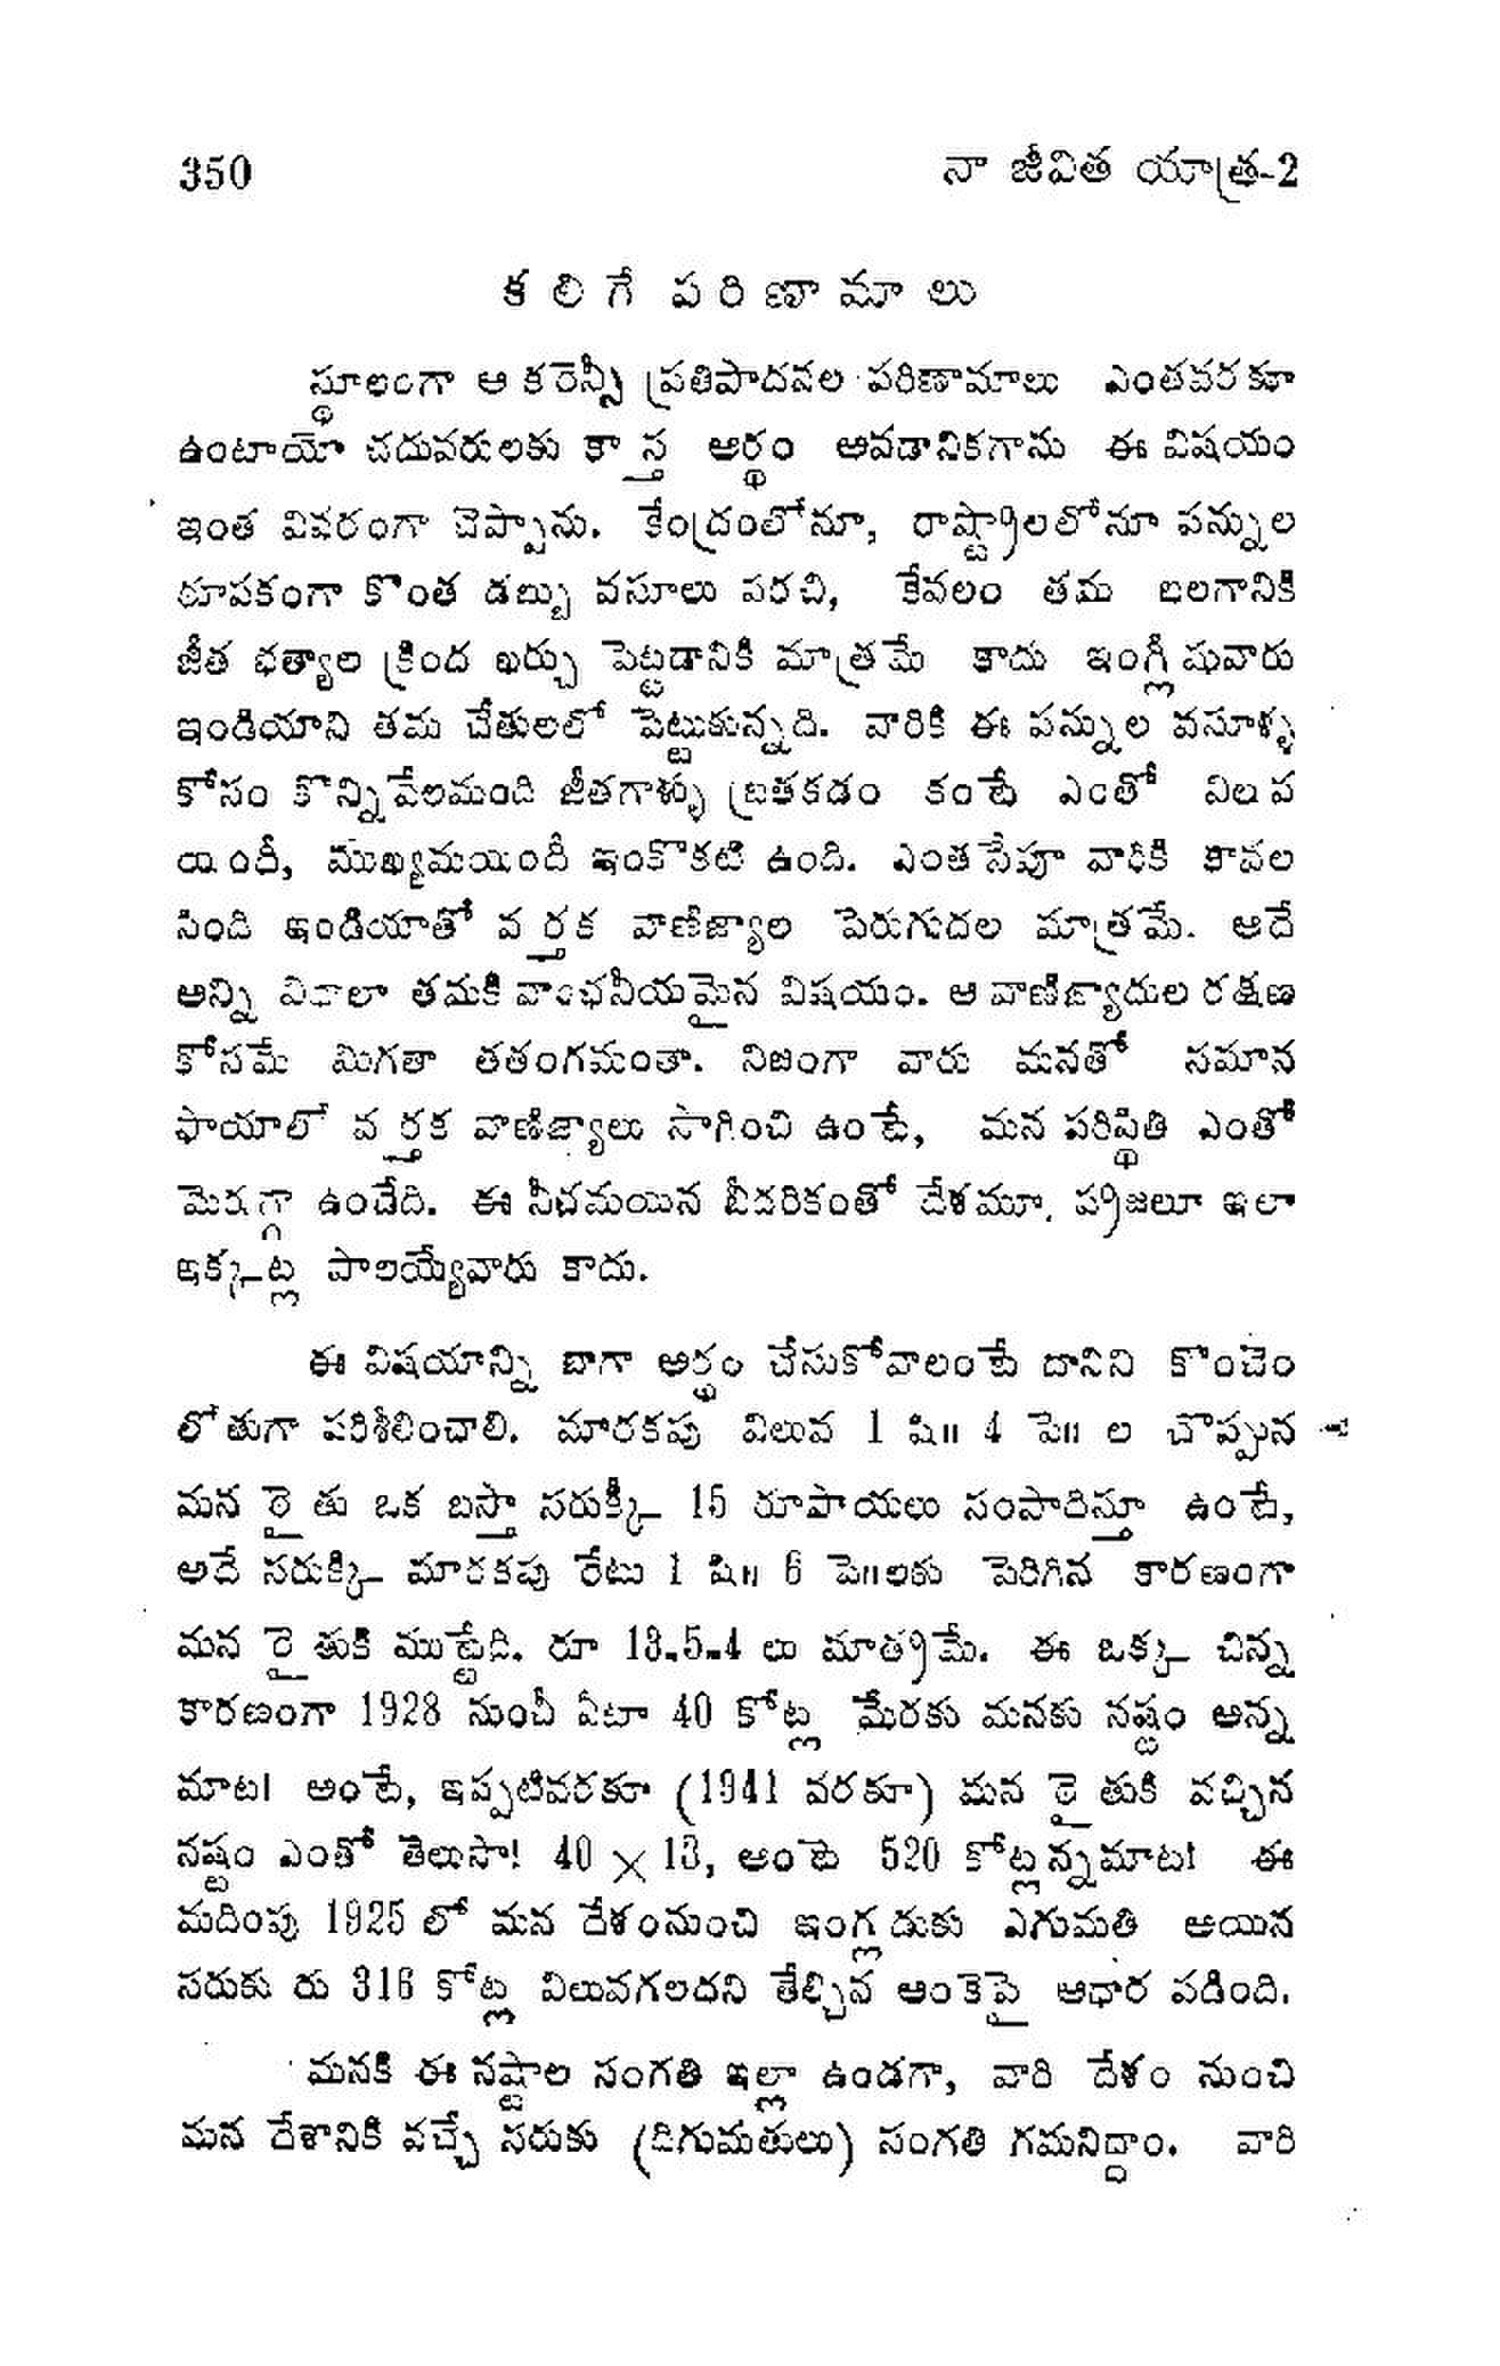స్థూలంగా ఆ కరెన్సీ ప్రతిపాడనల పరిణామాలు ఎంతవరకూ ఉంటాయో చదువరులకు కాస్త అర్థం అవడానికగాను ఈ విషయం ఇంత వివరంగా చెప్పాను. కేంధ్రలోనూ, రాష్ట్రాలలోనూ పన్నుల రూపకంగా కొంత డబ్బు వసూలు పరచి, కేవలం తమ బలగానికి జీత భత్యాల క్రింద ఖర్చు పెట్టడానికి మాత్రమే కాదు ఇంగ్లీషువారు ఇండియాని తమ చేతులలో పెట్టుకున్నది. వారికి ఈ పన్నుల వసూళ్ళ కోసం కొన్నివేలమంది జీతగాళ్ళు బ్రతకడం కంటే ఎంతో విలువయిందీ, ముఖ్యమయిందీ ఇంకొకటి ఉంది. ఎంతసేపూ వారికి కావలసింది ఇండియాతో వర్తక వాణిజ్యాల పెరుగుదల మాత్రమే. అదే అన్ని విధాల తమకి వాంఛనీయమైన విషయం. ఆ వాణిజ్యాదుల రక్షణ కోసమే మిగతా తతంగమంతా. నిజంగా వారు మనతో సమాన ఫాయలో వర్తక వాణిజ్యాలు సాగించి ఉంటే, మన పరిస్థితి ఎంతో మెరుగ్గా ఉండేది. ఈ నీచమయిన బీదరికంతో దేశమూ, ప్రజలూ ఇలా ఇక్కట్లు పాలయ్యేవారు కాదు.

ఈ విషయాన్ని బాగా అర్థం చేసుకోవాలంటే దానిని కొంచెం లోతుగా పరిశీలించాలి. మారకపు విలువ 1 షి. 4 పె. ల చొప్పున మన రైతు ఒక బస్తా సరుక్కీ 15 రూపాయలు సంపాదిస్తూ ఉంటే. అదే సరుక్కి మారకపు రేటు 1 షి. 6 పె. లకు పెరిగిన కారణంగా మన రైతుకి ముట్టేది రూ 13-5-4 లు మాత్రమే. ఈ ఒక్క చిన్న కారణంగా 1928 నుంచీ ఏటా 40 కోట్ల మేరకు మనకు నష్టం అన్నమాట! అంటే, ఇప్పటివరకూ (1941 వరకూ) మన రైతుకి వచ్చిన నష్టం ఎంతో తెలుసా! 40x13, అంటె 520 కోట్లన్నమాట! ఈ మదింపు 1925లో మన దేశంనుంచి ఇంగ్లడుకు ఎగుమతి అయిన సరుకు రు 316 కోట్లు విలువగలదని తేల్చిన అంకెపై ఆధార పడింది.

మనకి ఈ నష్టాల సంగతి ఇల్లా ఉండగా, వారి దేశం నుంచి మన దేశానికి వచ్చే సరుకు (దిగుమతులు) సంగతి గమనిద్దాం. వారి